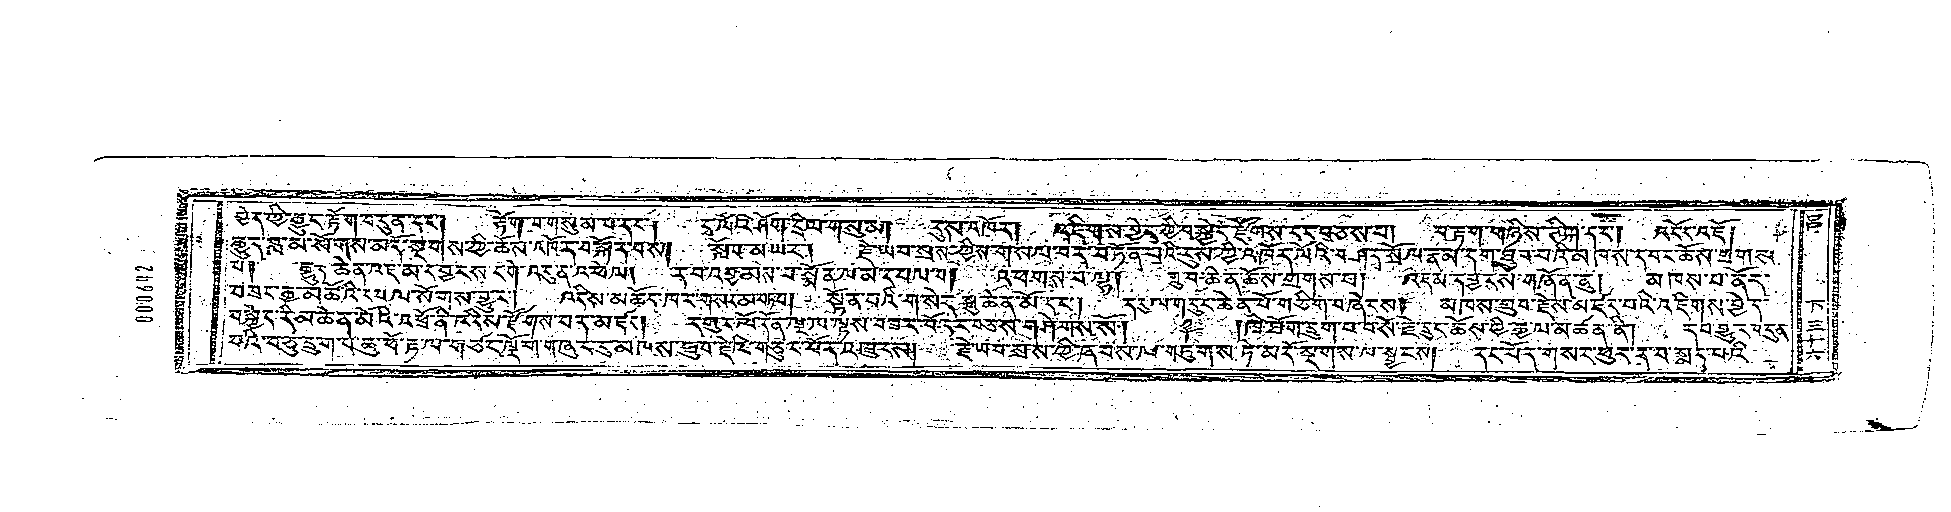བྱེད་ཀྱི་རྒྱུད་རྟོག་བདུན་དང་། རྟོག་བ་གསུམ་པ་དང་། རྭ་ལོའི་ཤོག་དྲིལ་གསུམ། དུས་འཁོར། འཇིགས་བྱེད་ཀྱི་བསྐྱེད་རྫོགས་དང་བཅས་པ། བརྟག་གཉིས་ཊིཀྐ་དང་། འདོད་འཇོ།
རྒྱུད་བླ་མ་སོགས་མདོ་སྔགས་ཀྱི་ཆོས་འཁོར་བསྐོར་བས། སློབ་མ་ཡང་། རྗེ་ཡབ་སྲས་ཀྱིས་གསལ་བར་བཏོན་པའི་དུས་ཀྱི་འཁོར་ལོའི་བཤད་སྲོལ་རྣམ་དག་ཐུབ་པའི་མཁས་དབང་ཆོས་གྲགས་
པ། རྒྱུད་ཆེན་འཇམ་དབྱངས་དགེ་འདུན་འཕེལ། རབ་འབྱམས་པ་སྨོན་ལམ་དཔལ་པ། འཕགས་པ་ལྷ། གྲུབ་ཆེན་ཆོས་གྲགས་པ། འཇམ་དབྱངས་གཞོན་ནུ། མཁས་པ་ནོར་
བཟང་རྒྱ་མཚོའི་དཔལ་སོགས་བྱུང་། འདིས་མཆོད་ཁང་གསར་མ་བཏབ། སྟོན་པའི་གསེར་སྐུ་ཆེན་མོ་དང་། དངུལ་གདུང་ཆེན་པོ་གཅིག་བཞེངས། མཁས་གྲུབ་རྗེས་མཛད་པའི་འཇིགས་བྱེད་
བསྐྱེད་རིམ་ཆེན་མོའི་འཕྲོ་ནི་འདིས་རྫོགས་པར་མཛད། དགུང་ལོ་དོན་ལྔ་ལ་ལྟས་བཟང་པོ་དང་བཅས་གཤེགས་སོ། ༈ །ཁྲི་ཐོག་དྲུག་པ་བ་སོ་རྗེ་དྲུང་ཆོས་ཀྱི་རྒྱལ་མཚན་ནི། རབ་བྱུང་བདུན་
བའི་བཅུ་དྲུག་པ་ཆུ་ཕོ་རྟ་ལ་གཙང་ལྡོག་གཞུང་དུ་མཁས་གྲུབ་རྗེའི་གཅུང་བོར་འཁྲུངས། རྗེ་ཡབ་སྲས་ཀྱི་ཞབས་ལ་གཏུགས་ཏེ་མདོ་སྔགས་ལ་སྦྱངས། དང་པོར་གསང་ཕུར་རབ་སྨད་པའི་